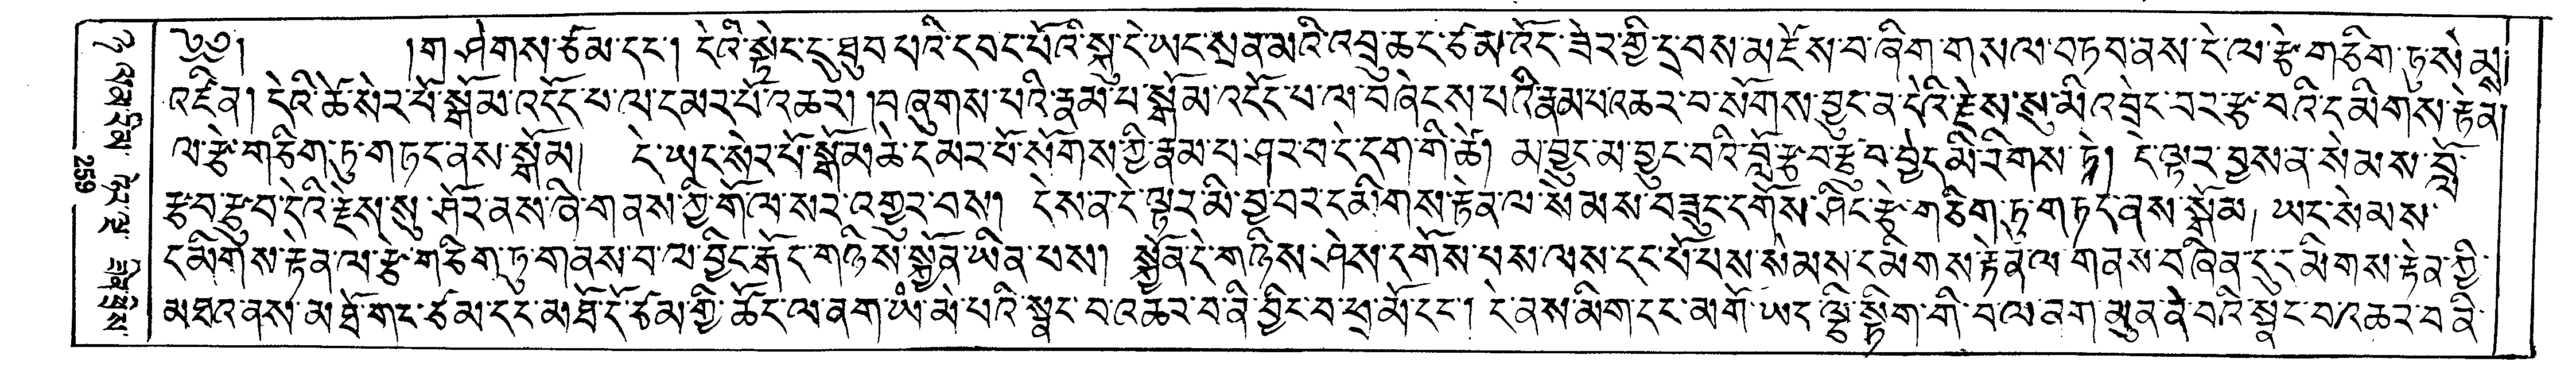༄༅། །གཤགས་ཙམ་དང་། དེའི་སྟེང་དུ་ཐུབ་པའི་དབང་པོའི་སྐུ་དེ་ཡང་སྲན་མའི་འབྲུ་ཚད་ཙམ་འོད་ཟེར་གྱི་དྲ་བས་མཛེས་པ་ཞིག་གསལ་བཏབ་ནས་དེ་ལ་རྩེ་གཅིག་ཏུ་སེམས་
འཛིན། དེའི་ཚེ་སེར་བོ་སྒོམ་འདོད་པ་ལ་དམར་པོ་འཆར། བཞུགས་པའི་རྣམ་པ་སྒོམ་འདོད་པ་ལ་བཞེངས་པའི་རྣམ་པ་འཆར་བ་སོགས་བྱུང་ན་དེའི་རྗེས་སུ་མི་འབྲེང་བར་རྩ་བའི་དམིགས་རྟེན་
ལ་རྩེ་གཅིག་ཏུ་གཏད་ནས་སྒོམ། དེ་ཡང་སེར་པོ་སྒོམ་ཚེ་དམར་པོ་སོགས་ཀྱི་རྣམ་པ་ཤར་བ་དེ་དག་གི་ཚེ། མ་བྱུང་མ་བྱུང་བའི་བློ་རྩ་བ་རྩུབ་བྱེད་མི་རིགས་ཏེ། དེ་ལྟར་བྱས་ན་སེམས་བློ་
རྩབ་རྩུབ་དེའི་རྗེས་སུ་ཤོར་ནས་ཞི་གནས་ཀྱི་གོལ་སར་འགྱུར་བས། དེས་ན་དེ་ལྟར་མི་བྱ་བར་དམིགས་རྟེན་ལ་སེམས་བཟུང་དགོས་ཤིང་རྩེ་གཅིག་ཏུ་གཏད་ནས་སྒོམ། ཡང་སེམས་
དམིགས་རྟེན་ལ་རྩེ་གཅིག་ཏུ་གནས་པ་ལ་བྱིང་རྒོད་གཉིས་སྐྱོན་ཡིན་པས། སྐྱོན་དེ་གཉིས་ཤེས་དགོས་པས་ལས་དང་པོ་བས་སེམས་དམིགས་རྟེན་ལ་གནས་བཞིན་དུ་དམིགས་རྟེན་གྱི་
མཐའ་ནས་མཐོ་གང་ཙམ་དང་མཐོ་དོ་ཙམ་གྱི་ཚོད་ལ་ན་ག་ཡཾ་མེ་བའི་སྣང་བ་འཆར་བ་ནི་བྱིང་བ་ཕྲ་མོ་དང་། དེ་ནས་མིག་དང་མགོ་ཡང་ལྕི་སྟིག་གི་བ་ལ་ནག་མུན་ནེ་བའི་སྣང་བ་འཆར་བ་ནི་